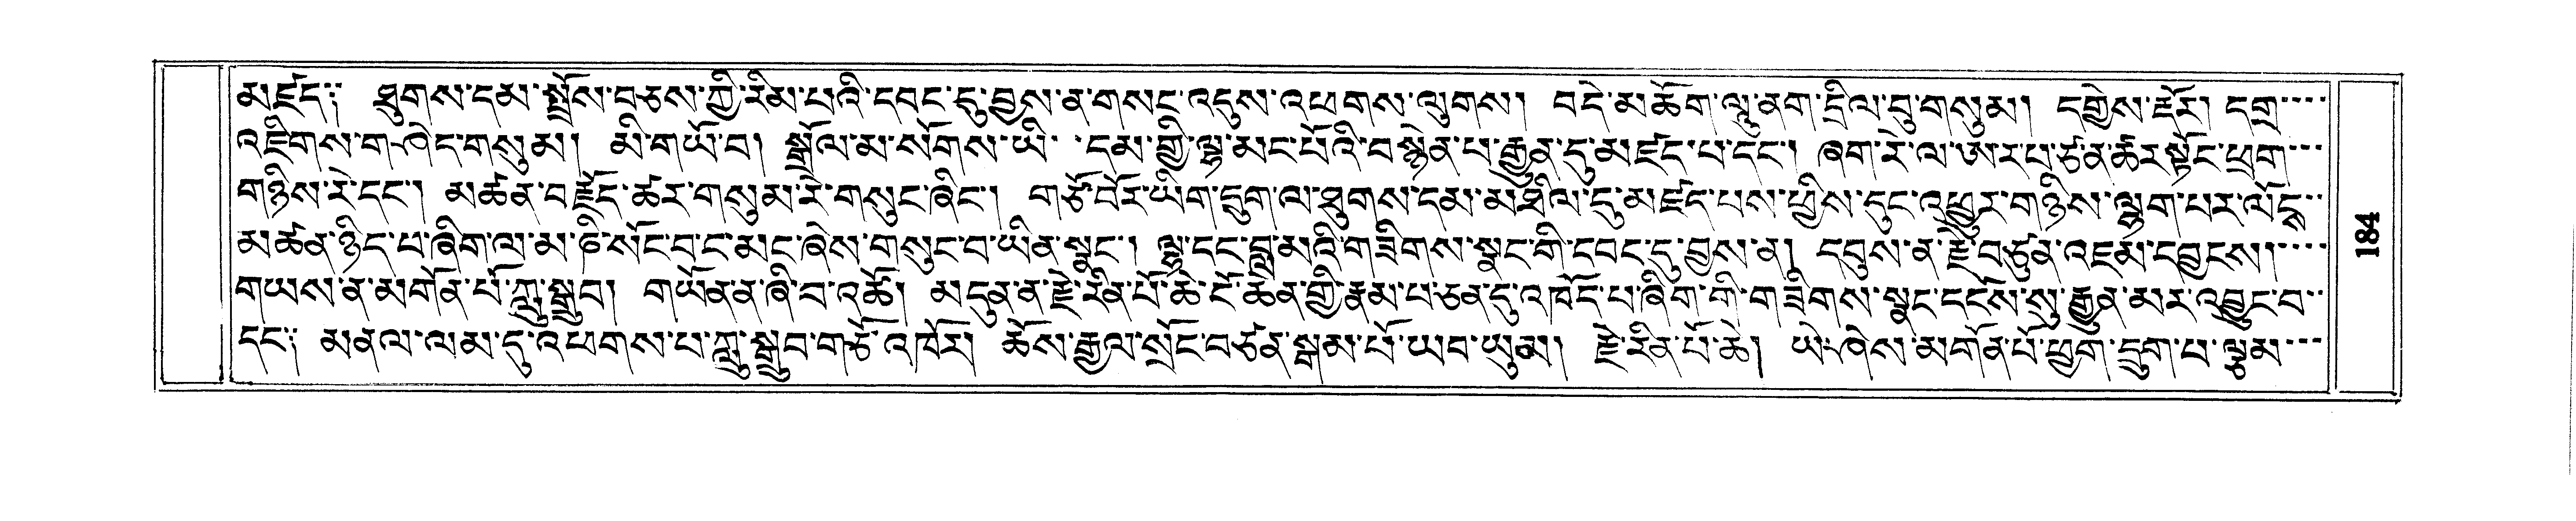མཛད༑ ཐུགས་དམ་སྤྲོས་བཅས་ཀྱི་རིམ་པའི་དབང་དུ་བྱས་ན་གསང་འདུས་འཕགས་ལུགས། བདེ་མཆོག་ལཱུ་ནག་དྲིལ་བུ་གསུམ། དགྱེས་རྡོར། དགྲ་
འཇིགས་གཤེད་གསུམ། མི་གཡོ་བ། སྒྲོལ་མ་སོགས་ཡི་དམ་གྱི་ལྷ་མང་པོའི་བསྙེན་པ་རྒྱུན་དུ་མཛད་པ་དང་། ཞག་རེ་ལ་ཨ་ར་བ་ཙ་ན་ཚར་སྟོང་ཕྲག་
གཉིས་རེ་དང་། མཚན་བརྗོད་ཚར་གསུམ་རེ་གསུང་ཞིང་། གཙོ་བོར་ཡིག་དྲུག་ལ་ཐུགས་དམ་མཐིལ་དུ་མཛད་པས་ཕྱིས་དུང་འཕྱུར་གཉིས་ལྷག་པར་ལོངས་
མཚན་ཉིད་པ་ཞིག་ལ་མ་ཎི་སོང་པ་ང་མང་ཞེས་གསུང་བ་ཡིན་སྣང་། ལྷ་དང་བླ་མའི་གཟིགས་སྣང་གི་དབང་དུ་བྱས་ན། དབུས་ན་རྗེ་བཙུན་འཇམ་དབྱངས།
གཡས་ན་མགོན་པོ་ཀླུ་སྒྲུབ། གཡོན་ན་ཞི་བ་འཚོ། མདུན་ན་རྗེ་རིན་པོ་ཆེ་ངོ་ཆེན་གྱི་རྣམ་པ་ཅན་དུ་འཁོད་པ་ཞིག་གི་གཟུགས་སྣང་དངོས་སུ་རྒྱུན་མར་འབྱུང་བ་
དང༑ མནལ་ལམ་དུ་འཕགས་པ་ཀླུ་སྒྲུབ་གཅོ་འཁོར། ཆོས་རྒྱལ་སྲོང་བཙན་སྒམ་པོ་ཡབ་ཡུལ། རྗེ་རིན་པོ་ཆེ། ཡེ་ཤེས་མགོན་པོ་ཕྱག་དྲུག་པ་ལྕམ་